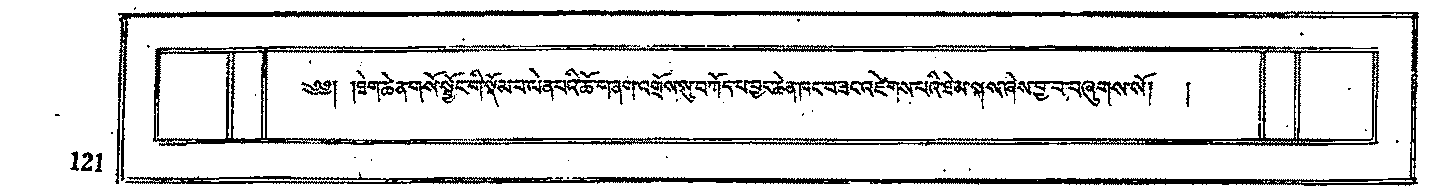།ཐེག་ཆེན་གསོ་སྦྱོང་གི་སྡོམ་པ་ལེན་པའི་ཆོ་ག་ནག་འགྲོས་སུ་བཀོད་པ་བྱང་ཆེན་ཁང་བཟང་འཛེགས་པའི་ཐེམ་སྐས་ཞེས་བྱ་བ་བཞུགས་སོ། །